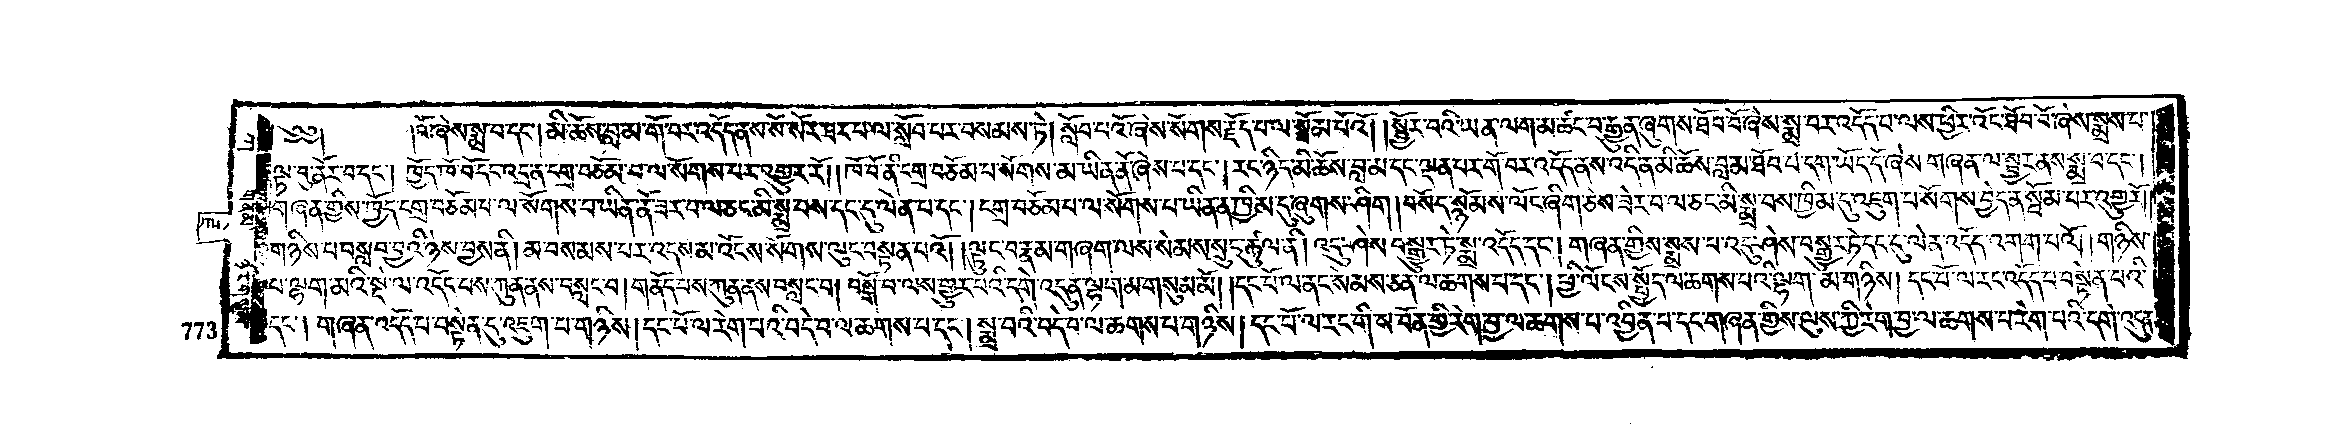༄༅། །བོ་ཞེས་སྨྲ་བ་དང་། མི་ཆོས་བླ་མ་གོ་བར་འདོད་ནས་སོ་སོར་ཐར་པ་ལ་སློབ་པར་བསམས་ཏེ། སློབ་པའོ་ཞེས་སོགས་རྗོད་པ་ལ་སྦོམ་པོའོ། །སྦྱོར་བའི་ཡན་ལག་མ་ཚང་བ་རྒྱུན་ཞུགས་ཐོབ་བོ་ཞེས་སྨྲ་བར་འདོད་པ་ལ་ཕྱིར་འོང་ཐོབ་བོ་ཞེས་སྨྲས་པ་
ལྟ་བུ་ནོར་བ་དང་། ཁྱོད་ཁོ་བོ་དང་འདྲ་ན་དགྲ་བཅོམ་པ་ལ་སོགས་པར་འགྱུར་རོ། །ཁོ་བོ་ནི་དགྲ་བཅོམ་པ་སོགས་མ་ཡིན་ནོ་ཞེས་པ་དང་། རང་ཉིད་མི་ཆོས་བླ་མ་དང་ལྡན་པར་གོ་བར་འདོད་ནས་འདི་ན་མི་ཆོས་བླ་མ་ཐོབ་པ་དག་ཡོད་དོ་ཞེས་གཞན་ལ་སྦྱར་ནས་སྨྲ་བ་དང་།
གཞན་གྱིས་ཁྱོད་དགྲ་བཅོམ་པ་ལ་སོགས་པ་ཡིན་ནོ་ཟར་བ་ལ་ཅང་མི་སྨྲ་བས་དང་དུ་ལེན་པ་དང་། དགྲ་བཅོམ་པ་ལ་སོགས་པ་ཡིན་ན་ཁྱིམ་དུ་ཞུགས་ཤིག །བསོད་སྙོམས་ལོང་ཞིག་ཅེས་ཟེར་བ་ལ་ཅང་མི་སྨྲ་བས་ཁྱིམ་དུ་འཇུག་པ་སོགས་བྱེད་ན་སྦོམ་པར་འགྱུར་རོ། །
གཉིས་པ་བསླབ་བྱའི་ཉེས་བྱས་ནི། མ་བསམས་པར་འདས་མ་འོངས་སོགས་ལུང་བསྟན་པའོ། །ལྟུང་བ་རྣམ་གཞག་ལས་སེམས་སྲུང་ཚུལ་ནི། འདུ་ཤེས་བསྒྱུར་ཏེ་སྨྲ་འདོད་དང་། གཞན་གྱིས་སྨྲས་པ་འདུ་ཤེས་བསྒྱུར་ཏེ་དང་དུ་ལེན་འདོད་འགག་པའོ། །གཉིས་
པ་ལྷག་མའི་སྡེ་ལ་འདོད་པས་ཀུན་ནས་བསླང་བ། གནོད་པས་ཀུན་ནས་བསླང་བ། བསྒོ་བ་ལས་གྱུར་པའི་དགེ་འདུན་ལྷག་མ་གསུམ་མོ། །དང་པོ་ལ་ནང་སེམས་ཅན་ལ་ཆགས་པ་དང་། ཕྱི་ལོངས་སྤྱོད་ལ་ཆགས་པའི་ལྷག་མ་གཉིས། དང་པོ་ལ་རང་འདོད་པ་བསྟེན་པའི་
དང་། གཞན་འདོད་པ་བསྟེན་དུ་འཇུག་པ་གཉིས། དང་པོ་ལ་རེག་པའི་བདེ་བ་ལ་ཆགས་པ་དང་། སྨྲ་བའི་བདེ་བ་ལ་ཆགས་པ་གཉིས། དང་པོ་ལ་རང་གི་ས་བོན་གྱི་རེག་བྱ་ལ་ཆགས་པ་འབྱིན་པ་དང་གཞན་གྱིས་ལུས་ཀྱི་རེག་བྱ་ལ་ཆགས་པ་རེག་པའི་དགེ་འདུན་